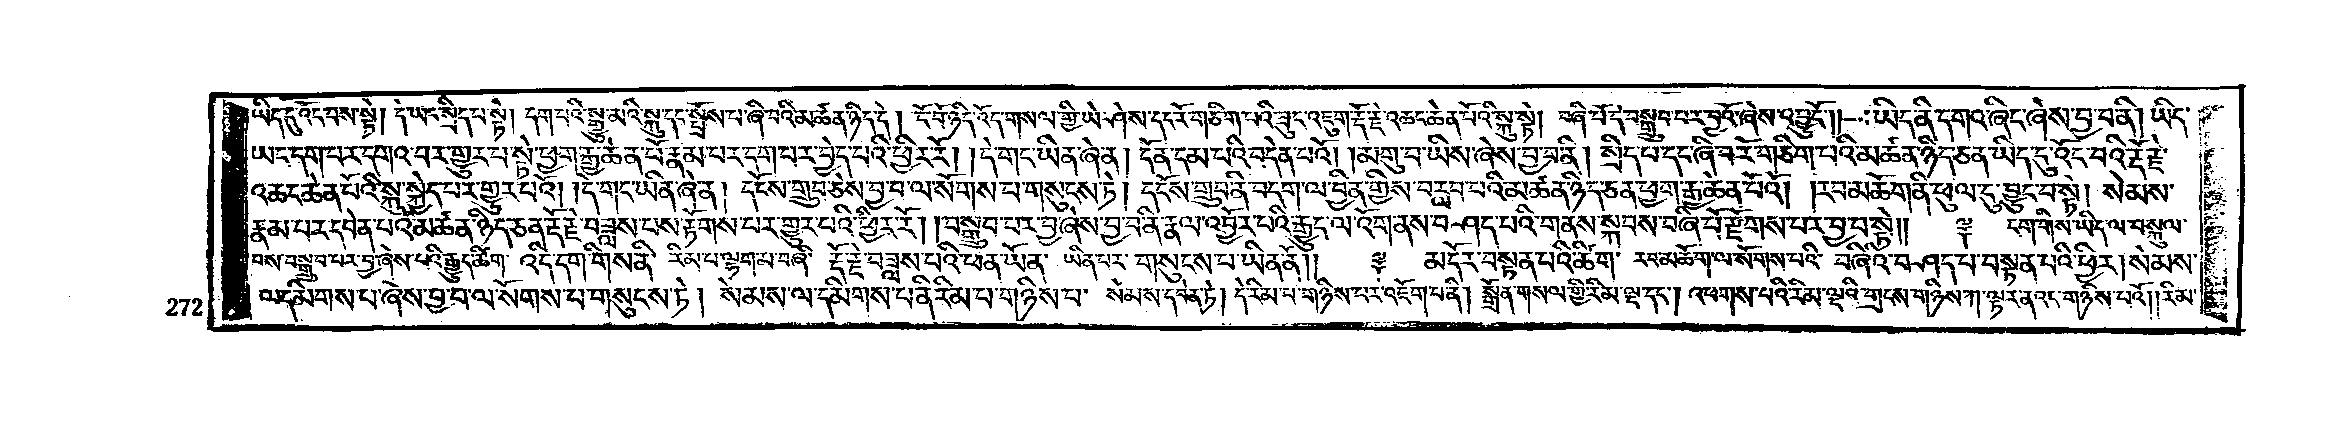ཡིད་དུ་འོང་བས་སྟེ། དེ་ཡང་སྲིད་པ་སྟེ། དག་པའི་སྒྱུ་མའི་སྐུ་དང་སྤྲོས་པ་ཞི་བའི་མཚན་ཉིད་དོ། ངོ་བོ་ཉིད་འོད་གསལ་གྱི་ཡེ་ཤེས་དང་རོ་གཅིག་པའི་ཟུང་འཇུག་རྡོ་རྗེ་འཆང་ཆེན་པོའི་སྐུ་སྟེ། བཞི་པོ་དེ་བསྒྲུབ་པར་བྱའོ་ཞེས་འབྱུང་ངོ།། .H ཡིད་ནི་དགའ་ཞིང་ཞེས་བྱ་བ་ནི། ཡིད་
ཡང་དག་པར་དགའ་བར་གྱུར་པ་སྟེ་ཕྱག་རྒྱ་ཆེན་པོ་རྣམ་པར་དག་པར་བྱེད་པའི་ཕྱིར་རོ། །དེ་གང་ཡིན་ཞེ་ན། དོན་དམ་པའི་བདེན་པའོ། །མགུ་བ་ཡིས་ཞེས་བྱ་བ་ནི། སྲིད་པ་དང་ཞི་བ་རོ་གཅིག་པའི་མཚན་ཉིད་ཅན་ཡིད་དུ་འོང་བའི་རྡོ་རྗེ་
འཆང་ཆེན་པོའི་སྐུ་སྐྱེད་པར་གྱུར་པའོ། །དེ་གང་ཡིན་ཞེ་ན། དངོས་གྲུབ་ཅེས་བྱ་བ་ལ་སོགས་པ་གསུངས་ཏེ། དངོས་གྲུབ་ནི་བདག་ལ་བྱིན་གྱིས་བརླབ་པའི་མཚན་ཉིད་ཅན་ཕྱག་རྒྱ་ཆེན་པོའོ། །རབ་མཆོག་ནི་ཕུལ་དུ་བྱུང་བ་སྟེ། སེམས་
རྣམ་པར་དབེན་པའི་མཚན་ཉིད་ཅན་རྡོ་རྗེ་བཟླས་པས་རྟོགས་པར་གྱུར་པའི་ཕྱིར་རོ། །བསྒྲུབ་པར་བྱ་ཞེས་བྱ་བ་ནི་རྣལ་འབྱོར་པའི་རྒྱུད་ལ་འོག་ནས་བཤད་པའི་གནས་སྐབས་བཞི་པོ་རྫོགས་པར་བྱ་བ་སྟེ།། ༈ ངག་གིས་ཡིད་ལ་བསྐུལ་
བས་བསྒྲུབ་པར་བྱ་ཞེས་པའི་རྒྱུད་ཚིག་འདི་དག་གིས་ནི་རིམ་པ་ལྷག་མ་བཞི་རྡོ་རྗེ་བཟླས་པའི་ཕན་ཡོན་ཡིན་པར་གསུངས་པ་ཡིན་ནོ།། ༈ མདོར་བསྟན་པའི་ཚིག་རབ་མཆོག་ལ་སོགས་པའི་བཞིའི་བཤད་པ་བསྟན་པའི་ཕྱིར། སེམས་
ལ་དམིགས་པ་ཞེས་བྱ་བ་ལ་སོགས་པ་གསུངས་ཏེ། སེམས་ལ་དམིགས་པ་ནི་རིམ་པ་གཉིས་པ་སེམས་དབེན་ཏེ། དེ་རིམ་པ་གཉིས་པར་འཇོག་པ་ནི། སྒྲོན་གསལ་གྱི་རིམ་ལྔ་དང་། འཕགས་པའི་རིམ་ལྔའི་གྲངས་གཉིས་ཀ་ལྟར་ནའང་གཉིས་པའོ། །རིམ་